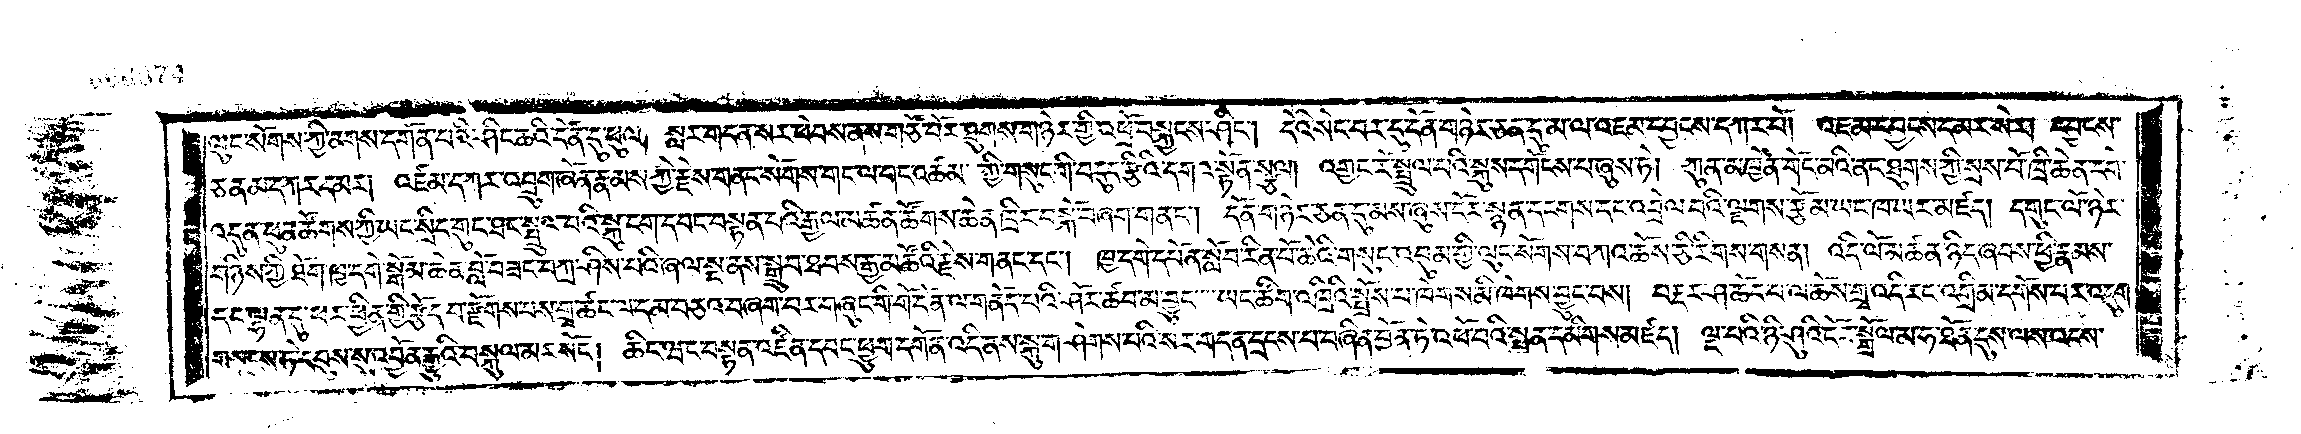ལུང་སོགས་ཀྱི་ནགས་དགོན་པའི་ཤིང་ཆའི་དོན་དུ་ཕུལ། སླར་གདན་སར་ཕེབས་ནས་གཙོ་བོར་ཐུགས་གཉེར་གྱི་འཕྲོ་བསྐྱངས་ཤིང་། དེའི་སེང་བར་དུ་དོན་གཉེར་ཅན་དུ་མ་ལ་འཇམ་དབྱངས་དཀར་པོ། འཇམ་དབྱངས་དམར་སེར། དབྱངས་
ཅན་མ་དཀར་དམར། འཛམ་དཀར་འབྲུག་ཞོན་རྣམས་ཀྱི་རྗེས་གནང་སོགས་གང་ལ་གང་འཚམ་གྱི་གསུང་གི་བདུད་རྩིའི་དགའ་སྟོན་སྩལ། འགྱང་རོ་སྤྲུལ་པའི་སྐུས་དགོངས་པ་ཞུས་ཏེ། ཀུན་མཁྱེན་གོང་མའི་ནང་ཐུགས་ཀྱི་སྲས་པོ་ཁྲི་ཆེན་དགེ་
འདུན་ཕུན་ཚོགས་ཀྱི་ཡང་སྲིད་གུང་ཐང་སྤྲུལ་པའི་སྐུ་ངག་དབང་བསྟན་པའི་རྒྱལ་མཚན་ཚོགས་ཆེན་ཁྲིར་བསྐོ་བཞག་གནང་། དོན་གཉེར་ཅན་དུ་མས་ཞུས་ངོར་སྙན་དངགས་དང་འབྲེལ་བའི་ལྗགས་རྩོམ་ཡང་ཁ་ཡར་མཛད། དགུང་ལོ་ཉེར་
གཉིས་ཀྱི་ཐོག་ཁྱ་དགེ་སྒོམ་ཆེན་བློ་བཟང་བཀྲ་ཤིས་པའི་ཞལ་སྔ་ནས་སྒྲུབ་ཐབས་རྒྱ་མཚོའི་རྗེས་གནང་དང་། ཁྱ་དགེ་དཔོན་སློབ་རིན་པོ་ཆེའི་གསུང་འབུམ་གྱི་ལུང་སོགས་བཀའ་ཆོས་ཅི་རིགས་གསན། འདི་ལོ་མཚན་ཉིད་ཞབས་ཕྱི་རྣམས་
དང་ལྷན་དུ་པར་ཕྱིན་གྱི་རྩོད་པ་རྫོགས་པས་གྲྭ་ཚང་ལ་དམ་བཅའ་བཞག་པར་བཞུང་གི་གོ་དོན་ལ་གནོད་པའི་ཤོར་ཚབ་མ་བྱུང་ཡང་ཚིག་འཁྲིའི་སྤྲོས་བ་ཁེགས་མི་ཁེགས་བྱུང་བས། བརྡར་ཤ་ཆོང་པ་ལ་ཆོས་གྲྭ་འདི་རང་འགྲིམ་དགོས་པར་འདུག་
གསུངས་ཏེ་དབུས་སུ་འབྱོན་རྒྱུའི་བསྐུལ་མར་སོང་། ཆིང་ཝང་བསྟན་འཛིན་དབང་ཕྱུག་དགོན་འདི་ནས་སྐུ་གཤེགས་པའི་སར་གདན་དྲངས་པ་བཞིན་བྱོན་ཏེ་འཕོ་བའི་སྤྱན་དམིགས་མཛད། ལྔ་པའི་ཉི་ཤུའི་ངོར་སྒྲོལ་མ་ཧ་ཐོན་དུས་ལས་འདས་